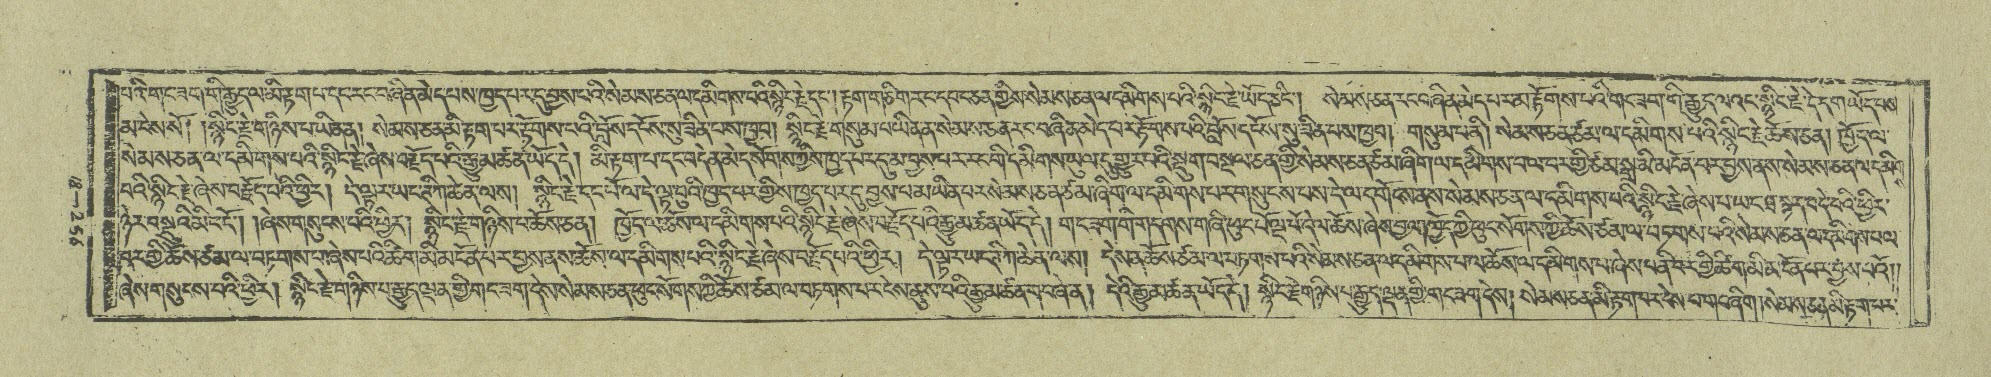པའི་གང་ཟག་གི་རྒྱུད་ལ་མི་རྟག་པ་དང་རང་བཞིན་མེད་པས་ཁྱད་པར་དུ་བྱས་པའི་སེམས་ཅན་ལ་དམིགས་པའི་སྙིང་རྗེ་དང་། རྟག་གཅིག་རང་དབང་ཅན་གྱིས་སེམས་ཅན་ལ་དམིགས་པའི་སྙིང་རྗེ་ཡོད་ཅིང་། སེམས་ཅན་རང་བཞིན་མེད་པར་མ་རྟོགས་པའི་གང་ཟག་གི་རྒྱུད་ལའང་སྙིང་རྗེ་དེ་དག་ཡོད་པས་
མ་ངེས་སོ། །སྙིང་རྗེ་གཉིས་པ་ཡིན་ན། སེམས་ཅན་མི་རྟག་པར་རྟོགས་པའི་བློས་དངོས་སུ་ཟིན་པས་ཁྱབ། སྙིང་རྗེ་གསུམ་པ་ཡིན་ན་སེམས་ཅན་རང་བཞིན་མེད་པར་རྟོགས་པའི་བློས་དངོས་སུ་ཟིན་པས་ཁྱབ། གསུམ་པ་ནི། སེམས་ཅན་ཙམ་ལ་དམིགས་པའི་སྙིང་རྗེ་ཆོས་ཅན། ཁྱོད་ལ་
སེམས་ཅན་ལ་དམིགས་པའི་སྙིང་རྗེ་ཞེས་བརྗོད་པའི་རྒྱུ་མཚན་ཡོད་དེ། མི་རྟག་པ་དང་བདེན་མེད་སོགས་ཀྱིས་ཁྱད་པར་དུ་མ་བྱས་པར་རང་གི་དམིགས་ཡུལ་དུ་གྱུར་པའི་སྡུག་བསྔལ་ཅན་གྱི་སེམས་ཅན་ཙམ་ཞིག་ལ་དམིགས་པ་ལ་བར་གྱི་ཙམ་སྒྲ་མི་མངོན་པར་བྱས་ནས་སེམས་ཅན་ལ་དམིགས་
པའི་སྙིང་རྗེ་ཞེས་བརྗོད་པའི་ཕྱིར། དེ་ལྟར་ཡང་ཊིཀ་ཆེན་ལས། སྙིང་རྗེ་དང་པོ་ལ་དེ་ལྟ་བུའི་ཁྱད་པར་གྱིས་ཁྱད་པར་དུ་བྱས་པ་མ་ཡིན་པར་སེམས་ཅན་ཙམ་ཞིག་ལ་དམིགས་པར་གསུངས་པས་དེ་ལ་དགོངས་ནས་སེམས་ཅན་ལ་དམིགས་པའི་སྙིང་རྗེ་ཞེས་པ་ཡང་ཐ་སྙད་བདེ་བའི་ཕྱིར་
ཉེར་བསྡུའི་མིང་ངོ། །ཞེས་གསུངས་པའི་ཕྱིར། སྙིང་རྗེ་གཉིས་པ་ཆོས་ཅན། ཁྱོད་ལ་ཆོས་ལ་དམིགས་པའི་སྙིང་རྗེ་ཞེས་བརྗོད་པའི་རྒྱུ་མཚན་ཡོད་དེ། གང་ཟག་གི་གདགས་གཞི་ཕུང་པོ་ལྔ་པོ་དེ་ལ་ཆོས་ཞེས་བྱ་ལ། ཁྱོད་ཀྱི་ཕུང་སོགས་ཀྱི་ཆོས་ཙམ་ལ་བཏགས་པའི་སེམས་ཅན་ལ་དམིགས་པ་ལ་
བར་གྱི་ཆོས་ཙམ་ལ་བཏགས་པ་ཞེས་པའི་ཚིག་མི་མངོན་པར་བྱས་ནས་ཆོས་ལ་དམིགས་པའི་སྙིང་རྗེ་ཞེས་བརྗོད་པའི་ཕྱིར། དེ་ལྟར་ཡང་ཊིཀ་ཆེན་ལས། དེས་ན་ཆོས་ཙམ་ལ་བཏགས་པའི་སེམས་ཅན་ལ་དམིགས་པ་ལ་ཆོས་ལ་དམིགས་པ་ཞེས་པ་ནི་བར་གྱི་ཚིག་མི་མངོན་པར་བྱས་པའོ། །
ཞེས་གསུངས་པའི་ཕྱིར། སྙིང་རྗེ་གཉིས་པ་རྒྱུད་ལྡན་གྱི་གང་ཟག་དེས་སེམས་ཅན་ཕུང་སོགས་ཀྱི་ཆོས་ཙམ་ལ་བཏགས་པར་ངེས་ནུས་པའི་རྒྱུ་མཚན་གང་ཞེ་ན། དེའི་རྒྱུ་མཚན་ཡོད་དེ། སྙིང་རྗེ་གཉིས་པ་རྒྱུད་ལྡན་གྱི་གང་ཟག་དེས། སེམས་ཅན་མི་རྟག་པར་ངེས་པ་གང་ཞིག །སེམས་ཅན་མི་རྟག་པར་